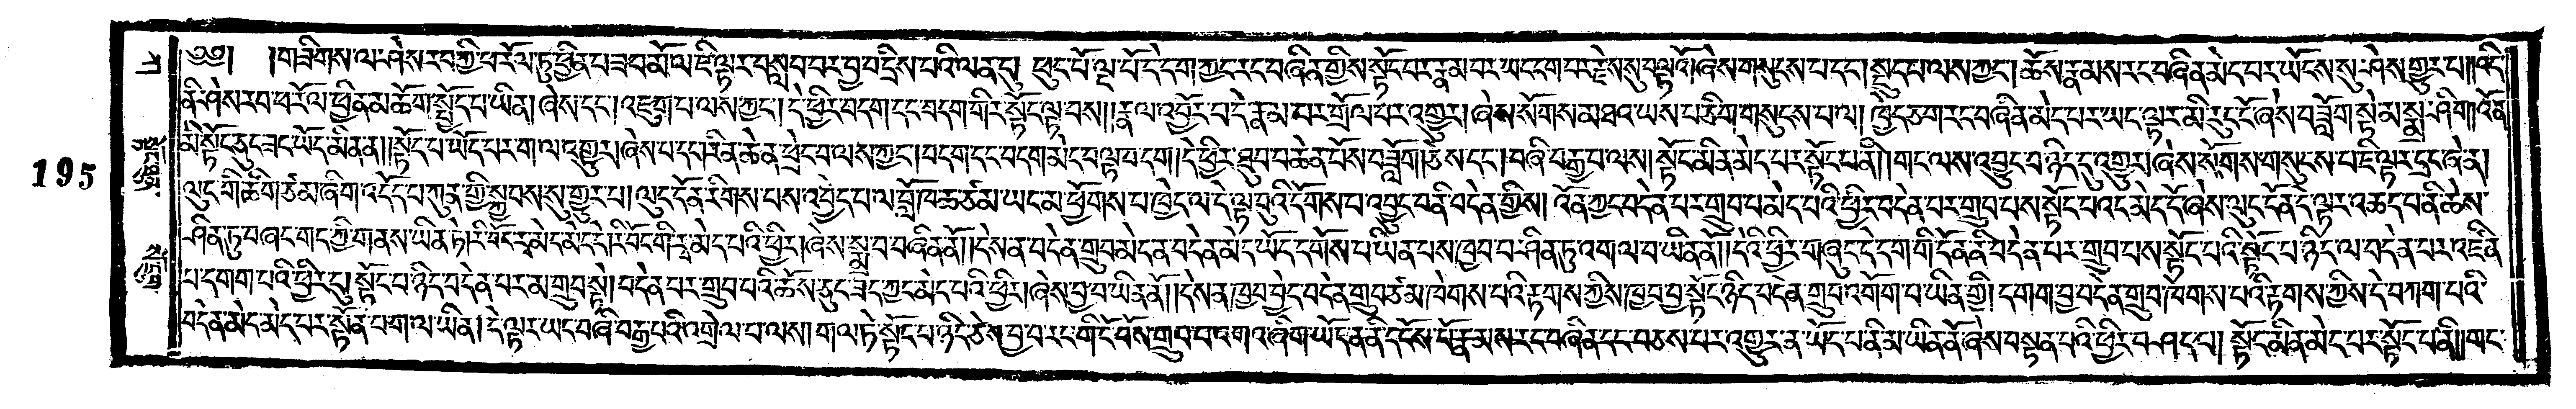༄༅། །གཟིགས་ལ་ཤེས་རབ་ཀྱི་ཕ་རོལ་ཏུ་ཕྱིན་པ་ཟབ་མོ་ལ་ཇི་ལྟར་བསླབ་བར་བྱ་བ་དྲིས་པའི་ལན་དུ། ཕུང་པོ་ལྔ་པོ་དེ་དག་ཀྱང་རང་བཞིན་གྱིས་སྟོང་བར་རྣམ་པར་ཡང་དག་བར་རྗེས་སུ་བལྟའོ། ཞེས་གསུངས་པ་དང་། སྡུད་པ་ལས་ཀྱང་། ཆོས་རྣམས་རང་བཞིན་མེད་པར་ཡོངས་སུ་ཤེས་གྱུར་པ། །འདི་
ནི་ཤེས་རབ་ཕ་རོལ་ཕྱིན་མཆོག་སྤྱོད་པ་ཡིན། ཞེས་དང་། འཇུག་པ་ལས་ཀྱང་། དེ་ཕྱིར་བདག་དང་བདག་གིར་སྟོང་ལྟ་བས། །རྣལ་འབྱོར་བ་དེ་རྣམ་པར་གྲོལ་བར་འགྱུར། ཞེས་སོགས་མཐའ་ཡས་པ་ཅིག་གསུངས་པ་ལ། ཁྱེད་ཅག་རང་བཞིན་མེད་པར་ཡང་ལྟར་མི་རུང་ངོ་ཞེས་བཟློག་སྟེ་མ་སྨྲ་ཤིག །འོན་
མི་སྟོང་ཅུང་ཟད་ཡོད་མིན་ན། །སྟོང་པ་ཡོད་པར་ག་ལ་འགྱུར། ཞེས་པ་དང་། རིན་ཆེན་ཕྲེང་བ་ལས་ཀྱང་། བདག་དང་བདག་མེད་བལྟ་བ་དག །དེ་ཕྱིར་ཐུབ་བ་ཆེན་པོས་བཟློག །ཅེས་དང་། བཞི་བརྒྱ་པ་ལས། སྟོང་མིན་མེད་པར་སྟོང་པ་ནི། །གང་ལས་འབྱུང་བ་ཉིད་དུ་འགྱུར། ཞེས་སོགས་གསུངས་པ་ཇི་ལྟར་དྲང་ཞེ་ན།
ལུང་གི་ཚིག་ཙམ་ཞིག་འདོད་པ་ཀུན་གྱི་སྐྱབས་སུ་གྱུར་པ། ལུང་དོན་རིགས་པས་འབྱེད་པ་ལ་བློ་ཁ་ཆ་ཙམ་ཡང་མ་ཕྱོགས་པ་ཁྱེད་ལ་དེ་ལྟ་བུའི་དོགས་པ་འབྱུང་བ་ནི་བདེན་གྱིས། འོན་ཀྱང་བདེན་པར་གྲུབ་པ་མེད་པའི་ཕྱིར་བདེན་པར་གྲུབ་པས་སྟོང་པའང་མེད་དོ་ཞེས་ལུང་དོན་དེ་ལྟར་འཆད་བ་ནི་ཆེས་
ཤིན་ཏུ་བཞད་གང་ཀྱི་གནས་ཡིན་ཏེ། རི་བོང་རྭ་མེད་མེད་དེ། རི་བོང་གི་རྭ་མེད་པའི་ཕྱིར། ཞེས་སྨྲ་བ་བཞིན་ནོ། །དེས་ན་བདེན་གྲུབ་མེད་ན་བདེན་མེད་ཡོད་དགོས་པ་ཡིན་པས་ཁྱབ་པ་ཤིན་ཏུ་འགལ་བ་ཡིན་ནོ། །དེའི་ཕྱིར་གཞུང་དེ་དག་གི་དོན་ནི་བདེན་པར་གྲུབ་པས་སྟོང་པའི་སྟོང་པ་ཉིད་ལ་བདེན་པར་འཛིན་
པ་དགག་པའི་ཕྱིར་དུ། སྟོང་པ་ཉིད་བདེན་བར་མ་གྲུབ་སྟེ། བདེན་པར་གྲུབ་པའི་ཆོས་ཅུང་ཟད་ཀྱང་མེད་པའི་ཕྱིར། ཞེས་བྱ་བ་ཡིན་ནོ། །དེས་ན་ཁྱབ་བྱེད་བདེན་གྲུབ་ཙམ་ཁེགས་པའི་རྟགས་ཀྱིས་ཁྱབ་བྱ་སྟོང་ཉིད་བདེན་གྲུབ་འགོག་བ་ཡིན་གྱི། དགག་བྱ་བདེན་གྲུབ་ཁེགས་པའི་རྟགས་ཀྱིས་དེ་བཀག་པའི་
བདེན་མེད་མེད་པར་སྟོན་པ་ག་ལ་ཡིན། དེ་ལྟར་ཡང་བཞི་བརྒྱ་པའི་འགྲེལ་བ་ལས། གལ་ཏེ་སྟོང་པ་ཉིད་ཅེས་བྱ་བ་རང་གི་ངོ་བོས་གྲུབ་པ་འགའ་ཞིག་ཡོད་ན་ནི་དངོས་པོ་རྣམས་རང་བཞིན་དང་བཅས་པར་འགྱུར་ན་ཡོད་པ་ནི་མ་ཡིན་ནོ་ཞེས་བསྟན་པའི་ཕྱིར་བཤད་པ། སྟོང་མིན་མེད་པར་སྟོང་པ་ནི། །གང་